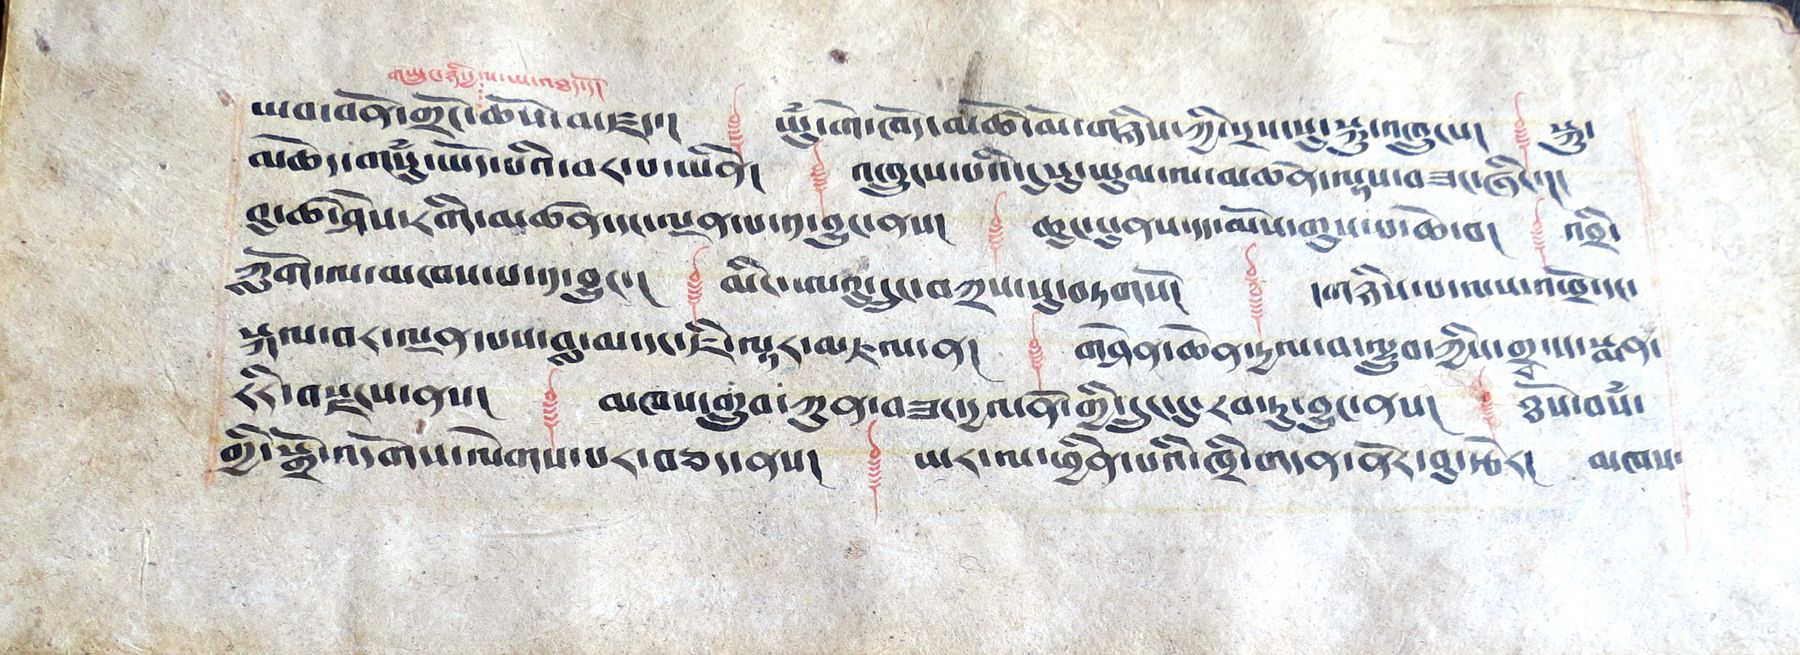ཡབ་བོན་གྲོང་ཆོས་མཛད། ༼གཡུང་དྲུང་ཉི་རྒྱལ་ལ་འཐད་དོ༽ ཡུམ་གེ་ཁོད་མཚོ་མོ་གཉིས་ཀྱི་སྲས་སུ་སྐུ་འཁྲུངས། སྐུ་
མཆེད་གསུམ་ཡོད་པའི་བར་པ་ཡིན། འཁྲུངས་པའི་དུས་སུ་ཡུམ་ལ་མཚན་ལྟས་བཟང་ཞིང་། 
བུ་ཚ་ཤེས་རིག་མཚན་དང་ལྡན་པ་ཞིག་བྱུང་ནས། ཆུང་དུས་ནས་དད་མོས་གུས་པ་ཆེ་བ།འབྲི་
ཀློག་ལ་མཁས་པ་བྱུང་། མིང་ཨའུ་དྲུང་བཀྲས་སུ་བཏགས་སོ། དག་གཉིས་པ་ལས་འཕྲོ་དང་
སྐལ་བར་ལྡན་པས་བླམ་དང་ཇི་ལྟར་མཇལ་ན། གཤེན་རྒྱལ་བ་ལྷུན་གྲུབ་ཀྱིས་གྲྭ་ས་སྨན་
རིར་བརྫངས་ནས། མཁས་གྲུབ་ཀུན་བཟང་རྒྱལ་མཚན་ལ་རབ་ཏུ་བྱུང་ནས། ཐོས་བསམ་
གྱི་སྒྲོ་འདོགས་ལེགས་པར་བཅད་ནས་མར་ལ་ཕྱིན་པས། ཁྲི་གདན་ནོར་བུ་རྩེར་མཁས་